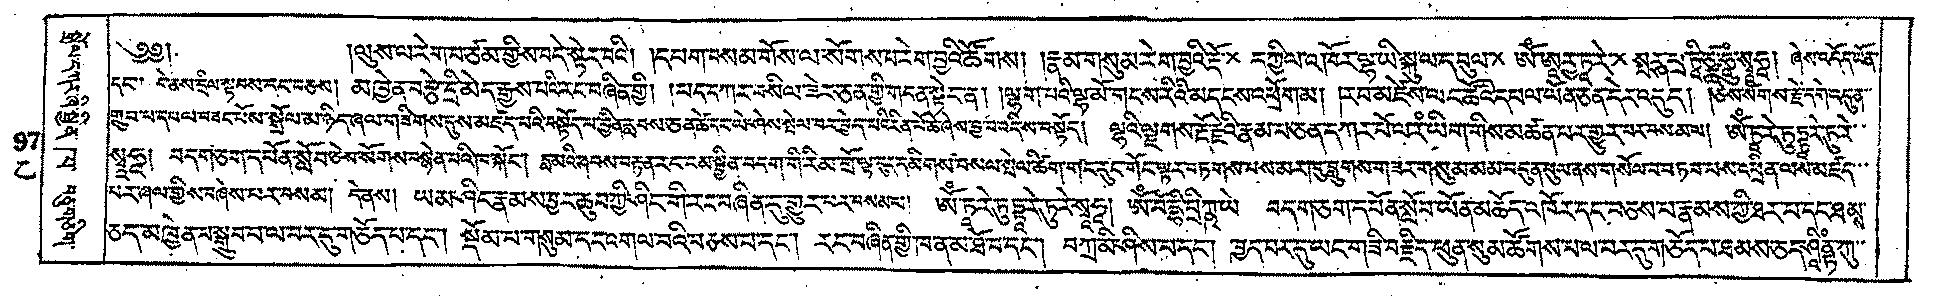༄༅། །ལུས་ལ་རེག་པ་ཙམ་གྱིས་བདེ་སྟེར་བའི། །དཔག་བསམ་གོས་ལ་སོགས་པ་རེག་བྱའི་ཚོགས། །རྣམ་གསུམ་རེག་བྱའི་རྡོ་྾་དཀྱིལ་འཁོར་ལྷ་ཡི་སྐུ་ལ་དབུལ་྾་ཨོཾ་ཨཱ་རྱ་ཏཱ་རེ་྾་སྤརྴ་པྲ་ཏཱི་ཙྪ་ཧཱུཾ་སྭཱཧཱ། ཞེས་འདོད་ཡོན་
དང་། དེ་ནས་དྲིལ་སྟབས་དང་བཅས། མཁྱེན་བརྩེ་དྲི་མེད་རྒྱས་པའི་རང་བཞིན་གྱི། །པད་དཀར་བསིལ་ཟེར་ཅན་གྱི་གདན་སྟེང་ན། །ལྷག་པའི་ལྷ་མོ་གངས་རིའི་མདངས་འཕྲོག་མ། །རབ་མཛེས་ལང་ཚོའི་དཔལ་ཡོན་ཅན་དེར་འདུད། །ཅེས་སོགས་རྗེ་དགེ་འདུན་་་
གྲུབ་པ་དཔལ་བཟང་པོས་སྒྲོལ་མ་ཉིད་ཞལ་གཟིགས་དུས་མཛད་པའི་བསྟོད་པ་བྱིན་རླབས་ཅན་ཚེ་དང་ཡེ་ཤེས་སྤེལ་བར་བྱེད་པའི་རིན་པོ་ཆེ་ཞེས་བྱ་བ་འདིས་བསྟོད། ལྷའི་ལྗགས་རྡོ་རྗེའི་རྣམ་པ་ཅན་དཀར་པོ་ལ་རཾ་ཡིག་གིས་མཚན་པ་གྱུར་པར་བསམ་ལ། ཨོཾ་ཏཱ་རེ་ཏུ་ཏྟཱ་རེ་ཏུ་རེ་་་
སྭཱཧཱ། བདག་ཅག་དཔོན་སློབ་ཅེས་སོགས་བསྙེན་པའི་ཁ་སྐོང་། བླ་མའི་ཞབས་བརྟན་རང་ངམ་སྦྱིན་བདག་གི་རིམ་གྲོ་ལྟ་བུར་དམིགས་བསལ་སྤེལ་ཚིག་གང་རུང་གོང་ལྟར་བཏགས་པས་མར་ཁུ་བླུགས་གཟར་གསུམ་མམ་བདུན་ཕུལ་ནས་གསོལ་བ་བཏབ་པས་འཕྲིན་ལས་མཛད་་་
པར་ཞལ་གྱིས་བཞེས་པར་བསམ། དེ་ནས། ཡམ་ཤིང་རྣམས་བྱང་ཆུབ་ཀྱི་ཤིང་གི་རང་བཞིན་དུ་གྱུར་པར་བསམ་ལ། ཨོཾ་ཏཱ་རེ་ཏུ་ཏྟཱ་ཏེ་ཏུ་རེ་སྭཱཧཱ། ཨོཾ་བོ་དྷི་པྲི་ཀྵ་ཡེ་བདག་ཅག་དཔོན་སློབ་ཡོན་མཆོད་འཁོར་དང་བཅས་པ་རྣམས་ཀྱི་ཐར་པ་དང་ཐམས་
ཅད་མཁྱེན་པ་སྒྲུབ་པ་ལ་བར་དུ་གཅོད་པ་དང་། སྡོམ་པ་གསུམ་དང་འགལ་བའི་བཅས་པ་དང་། རང་བཞིན་གྱི་ཁ་ན་མ་ཐོ་བ་དང་། བཀྲ་མི་ཤིས་པ་དང་། ཁྱད་པར་དུ་ཡང་གཞི་བརྗིད་ཕུན་སུམ་ཚོགས་པ་ལ་བར་དུ་གཅོད་པ་ཐམས་ཅད་ཤཱིནྟཾ་ཀུ་་་